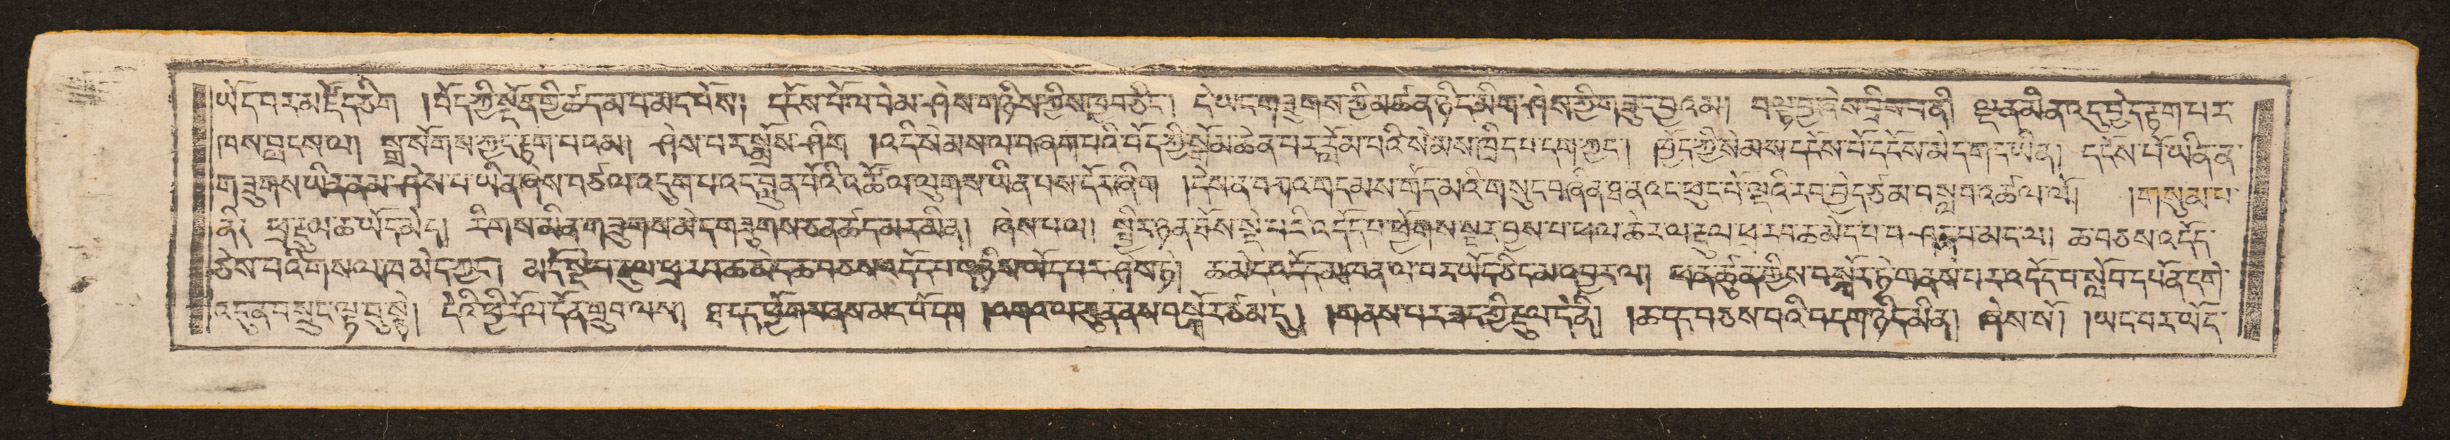ཡོད་པར་མཛོད་ཅིག །བོད་ཀྱི་སྔོན་གྱི་ཚད་མ་བ་མང་པོས། དངོས་པོ་ལ་བེམ་ཤེས་གཉིས་ཀྱིས་ཁྱབ་ཅིང་། དེ་ཡང་གཟུགས་ཀྱི་མཚན་ཉིད་མིག་ཤེས་ཀྱི་གཟུང་བྱའམ། བལྟ་བྱ་ཞེས་བྲིས་པ་ནི། ལྡན་མིན་འདུ་བྱེད་རྟག་པར་
ཁས་བླངས་ལ། སྒྲ་སོགས་ཀྱང་རྟག་པའམ། ཤེས་བར་སྨྲོས་ཤིག །འདི་སེམས་ལ་བཞག་པའི་བོད་ཀྱི་སྒོམ་ཆེན་པར་རློམ་པའི་སེམས་ཁྲིད་པ་དག་ཀྱང་། ཁྱོད་ཀྱི་སེམས་དངོས་པོ་དངོས་མེད་གང་ཡིན། དངོས་པོ་ཡིན་ན་
གཟུགས་ཡིན་ནམ་ཤེས་པ་ཡིན་ཞེས་བཙལ་འདུག་པའང་བླུན་བོའི་འཚོལ་ལུགས་ཡིན་པས་དོར་ཞིག །དེས་ན་བཀའ་གདམས་གོང་མའི་གསུང་བཞིན་ཐ་ནའང་ཕུང་བོ་ལྔའི་རབ་བྱེད་ཙམ་བསླབ་འཚལ་ལོ། །གསུམ་པ་
ནི༑ ཕྲ་རྡུལ་ཆ་ཡོད་མེད། རིགས་མིན་གཟུགས་མེད་གཟུགས་ཅན་ཚད་མར་མིན། ཞེས་པ་ལ། སྤྱིར་ཉན་ཐོས་སྡེ་པའི་འདོད་པ་ཕྱོགས་སྔར་བྱས་པ་ཕལ་ཆེར་ལ་རྡུལ་ཕྲ་རབ་ཆ་མེད་པ་བཤད་པ་མངལ། ཆ་བཅས་འདོད་
ཅེས་པའི་གསལ་ཁ་མེད་ཀྱང་། མདོ་སྡེ་བ་རྡུལ་ཕྲ་རབ་ཆ་མེད་ཆ་བཅས་འདོད་པ་གཉིས་ཡོད་པར་ཤེས་ཏེ། ཆ་མེད་འདོད་མཁན་ལ་བར་ཡོད་ཅིང་མ་འབྱར་ལ། ཕན་ཚུན་གྱིས་བསྐོར་ཏེ་གནས་པར་འདོད་པ་སློབ་དཔོན་དགེ་
འདུན་བསྲུང་ལྟ་བུ་སྟེ། དེའི་ཕྱི་རོལ་དོན་གྲུབ་ལས། ཐ་དད་ཕྱོགས་ནས་མང་པོ་དག །འགའ་ལ་ཀུན་ནས་བསྐོར་ཙམ་དུ། །གནས་པར་ཟད་ཀྱི་རྡུལ་དེ་ནི། །ཆ་དང་བཅས་བའི་བདག་ཉིད་མིན། ཞེས་སོ། །ཡང་བར་ཡོད་